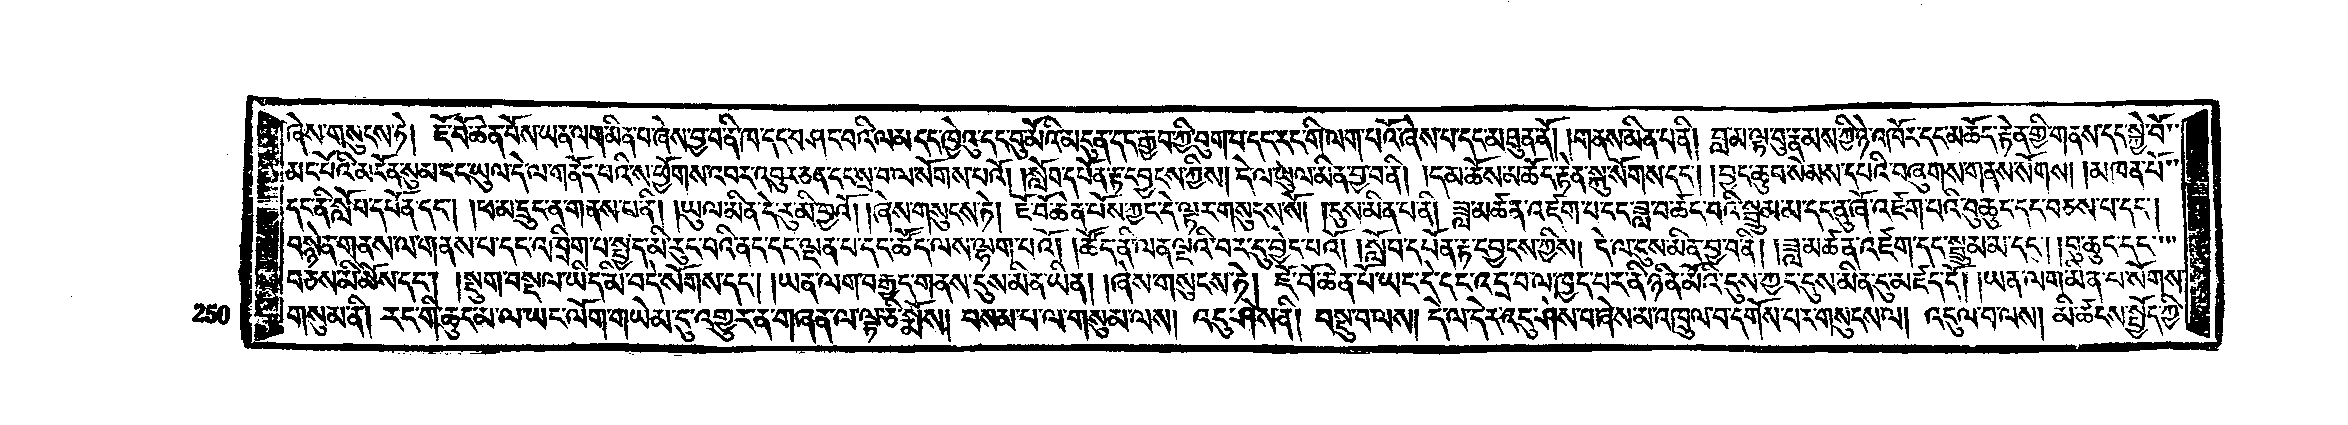ཞེས་གསུངས་ཏེ། ཇོ་བོ་ཆེན་པོས་ཡན་ལག་མིན་པ་ཞེས་བྱ་བ་ནི་ཁ་དང་བཤང་བའི་ལམ་དང་ཁྱེའུ་དང་བུ་མོའི་མདུན་དང་རྒྱབ་ཀྱི་བུག་པ་དང་རང་གི་ལག་པའོ་ཞེས་པ་དང་མཐུན་ནོ། །གནས་མིན་པ་ནི། བླ་མ་ལྟ་བུ་རྣམས་ཀྱི་ཉེ་འཁོར་དང་མཆོད་རྟེན་གྱི་གནས་དང་སྐྱེ་བོ་
མང་པོའི་མངོན་སུམ་དང་ཡུལ་དེ་ལ་གནོད་པའི་ས་ཕྱོགས་འབར་འབུར་ཅན་དང་སྲ་བ་ལ་སོགས་པའོ། །སློབ་དཔོན་རྟ་དབྱངས་ཀྱིས། དེ་ལ་ཡུལ་མིན་བྱ་བ་ནི། །དམ་ཆོས་མཆོད་རྟེན་སྐུ་སོགས་དང་། །བྱང་ཆུབ་སེམས་དཔའི་བཞུགས་གནས་སོགས། །མཁན་པོ་
དང་ནི་སློབ་དཔོན་དང་། །ཕ་མ་དྲུང་ན་གནས་པ་ནི། །ཡུལ་མིན་དེ་རུ་མི་བྱའོ། །ཞེས་གསུངས་ཏེ། ཇོ་བོ་ཆེན་པོས་ཀྱང་དེ་ལྟར་གསུངས་སོ། །དུས་མིན་པ་ནི། ཟླ་མཚན་འཛག་པ་དང་ཟླ་བ་ཚང་བའི་སྦྲུམ་མ་དང་ནུ་ཞོ་འཛག་པའི་བུ་ཆུང་དང་བཅས་པ་དང་།
བསྙེན་གནས་ལ་གནས་པ་དང་འཁྲིག་པ་སྤྱད་མི་རུང་བའི་ནད་དང་ལྡན་པ་དང་ཚོད་ལས་ལྷག་པའོ། །ཚོད་ནི་ལན་ལྔའི་བར་དུ་བྱེད་པའོ། །སློབ་དཔོན་རྟ་དབྱངས་ཀྱིས། དེ་ལ་དུས་མིན་བྱ་བ་ནི། །ཟླ་མཚན་འཛག་དང་སྦྲུམ་མ་དང་། །བུ་ཆུང་དང་
བཅས་མི་མོས་དང་། །སྡུག་བསྔལ་ཡིད་མི་བདེ་སོགས་དང་། །ཡན་ལག་བརྒྱད་གནས་དུས་མིན་ཡིན། །ཞེས་གསུངས་ཏེ། ངོ་བོ་ཆེན་པོ་ཡང་དེ་དང་འདྲ་བ་ལ་ཁྱད་པར་ནི་ཉིན་མོའི་དུས་ཀྱང་དུས་མིན་དུ་མཛད་དོ། །ཡན་ལག་མིན་པ་སོགས་
གསུམ་ནི། རང་གི་ཆུང་མ་ལ་ཡང་ལོག་གཡེམ་དུ་འགྱུར་ན་གཞན་ལ་ལྟ་ཅི་སྨོས། བསམ་པ་ལ་གསུམ་ལས། འདུ་ཤེས་ནི། བསྡུ་བ་ལས། དེ་ལ་དེར་འདུ་ཤེས་པ་ཞེས་མ་འཁྲུལ་བ་དགོས་པར་གསུངས་ལ། འདུལ་བ་ལས། མི་ཚངས་སྤྱོད་ཀྱི་